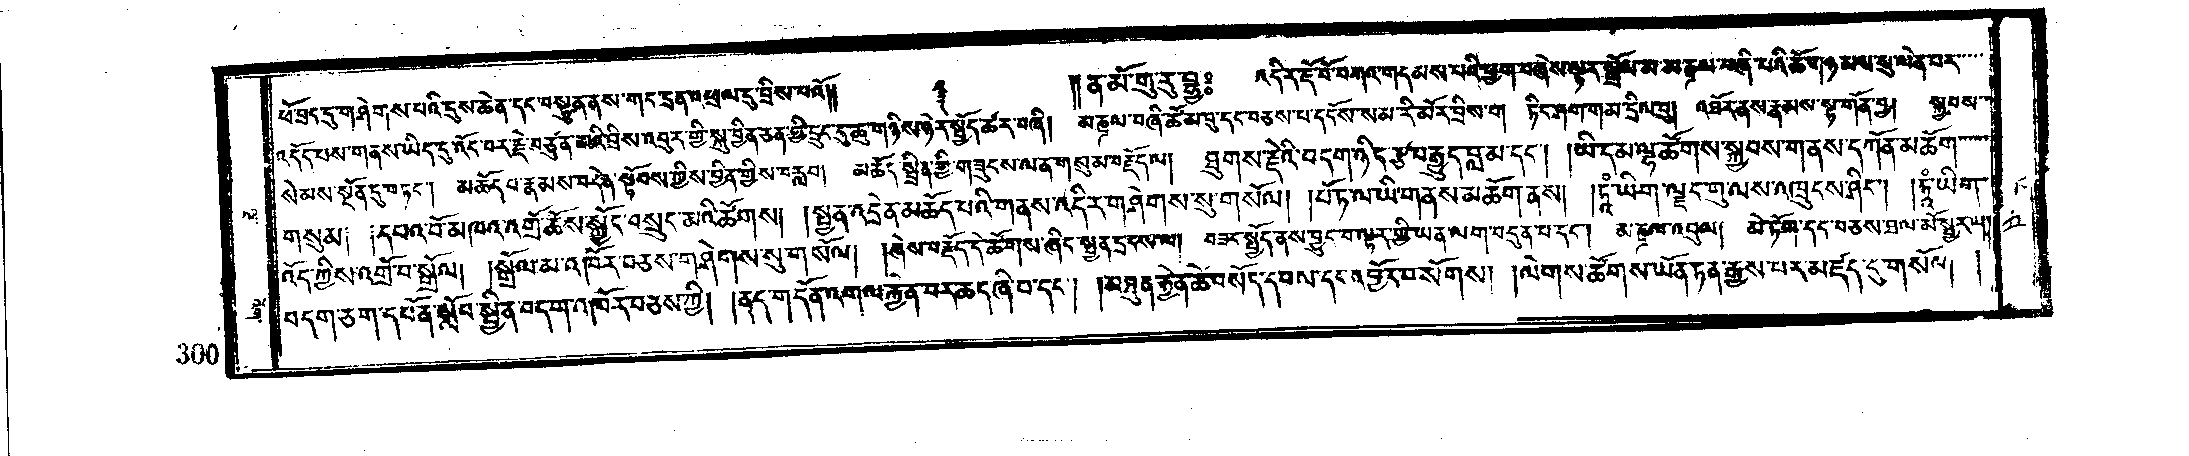ཕོ་བྲང་དུ་གཤེགས་པའི་དུས་ཆེན་དང་བསྟུན་ནས་གང་དྲན་འཕྲལ་དུ་བྲིས་པའོ།། ༈ །།ན་མོ་གུ་རུ་བྷྱཿ འདིར་ཇོ་བོ་བཀའ་གདམས་པའི་ཕྱག་བཞེས་ལྟར་སྒྲོམ་མ་མཎྜལ་བཞི་པའི་ཆོ་ག་ཉམས་སུ་ལེན་པར་
འདོད་པས་གནས་ཡིད་དུ་འོང་བར་རྗེ་བཙུན་མའི་བྲིས་འབུར་གྱི་སྐུ་བྱིན་ཅན་གྱི་དྲུང་དུ་ཆུ་གཉིས་ཉེར་སྤྱོད་ཚར་བཞི། མཎྜལ་བཞི་ཚོམ་བུ་དང་བཅས་པ་དངོས་སམ་རི་མོར་བྲིས་གཏིང་ཤག་གམ་དྲིལ་བུ། འཐོར་ནས་རྣམས་སྟ་གོན་བྱ། སྐྱབས་
སེམས་སྔོན་དུ་བཏང་། མཆོད་པ་རྣམས་བདེན་སྟོབས་ཀྱིས་བྱིན་གྱིས་བརླབ། མཆོད་སྤྲིན་གྱི་གཟུངས་ལན་གསུམ་བརྗོད་ལ། ཐུགས་རྗེའི་བདག་ཉིད་རྩ་བརྒྱུད་བླ་མ་དང་། །ཡིད་དམ་ལྷ་ཚོགས་སྐྱབས་གནས་དཀོན་མཆོག་
གསུམ། །དཔའ་བོ་མཁའ་འགྲོ་ཆོས་སྐྱོང་བསྲུང་མའི་ཚོགས། །སྤྱན་འདྲེན་མཆོད་པའི་གནས་འདིར་གཤེགས་སུ་གསོལ། །པོ་ཏ་ལ་ཡི་གནས་མཆོག་ནས། །ཏཱཾ་ཡིག་ལྗང་གུ་ལས་འཁྲུངས་ཤིང་། །ཏཱཾ་ཡིག་
འོད་ཀྱིས་འགྲོ་བ་སྒྲོལ། །སྒྲོལ་མ་འཁོར་བཅས་གཤེགས་སུ་གསོལ། །ཞེས་བརྗོད་དེ་ཚོགས་ཞིང་སྤྱན་དྲངས་ལ། བཟང་སྤྱོད་ནས་བྱུང་བ་ལྟར་གྱི་ཡན་ལག་བདུན་པ་དང་། མཎྜལ་འབུལ། མེ་ཏོག་དང་བཅས་ཐལ་མོ་སྦྱར་བ།།
བདག་ཅག་དཔོན་སློབ་སྦྱིན་བདག་འཁོར་བཅས་ཀྱི། །ནད་གདོན་འགལ་རྐྱེན་བར་ཆད་ཞི་བ་དང་། །མཐུན་རྐྱེན་ཚེ་བསོད་དཔལ་དང་འབྱོར་བ་སོགས། །ལེགས་ཚོགས་ཡོན་ཏན་རྒྱས་པར་མཛད་དུ་གསོལ། །